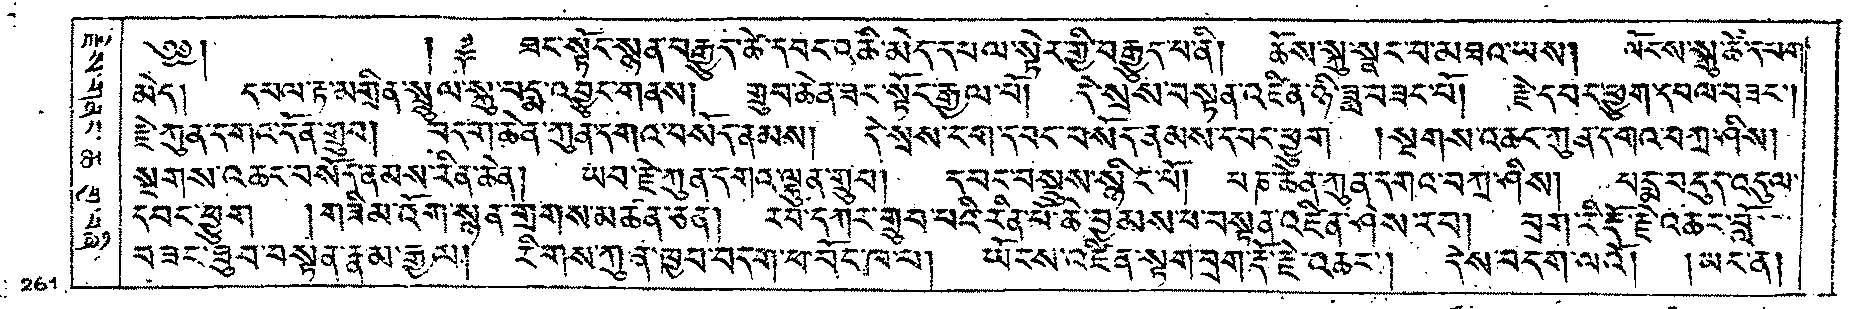༄༅། ། ༈ ཐང་སྟོང་སྙན་བརྒྱུད་ཚེ་དབང་འཆི་མེད་དཔལ་སྟེར་གྱི་བརྒྱུད་པ་ནི། ཆོས་སྐུ་སྣང་བ་མཐའ་ཡས། ལོངས་སྐུ་ཚེ་དཔག་
མེད། དཔལ་རྟ་མགྲིན་སྤྲུལ་སྐུ་པདམ་འབྱུང་གནས། གྲུབ་ཆེན་ཐང་སྟོང་རྒྱལ་པོ། དེ་སྲས་བསྟན་འཛིན་ཉི་ཟླ་བཟང་པོ། རྗེ་དབང་ཕྱུག་དཔལ་བཟང་།
རྗེ་ཀུན་དགའ་དོན་གྲུབ། བདག་ཆེན་ཀུན་དགའ་བསོད་ནམས། དེ་སྲས་ངག་དབང་བསོད་ནམས་དབང་ཕྱུག །སྔགས་འཆང་ཀུན་དགའ་བཀྲ་ཤིས།
སྔགས་འཆང་བསོད་ནམས་རིན་ཆེན། ཡབ་རྗེ་ཀུན་དགའ་ལྷུན་གྲུབ། དབང་བསྡུས་སྙིང་པོ། པཎ་ཆེན་ཀུན་དགའ་བཀྲ་ཤིས། པདམ་བདུད་འདུལ་
དབང་ཕྱུག །གཟིམ་འོག་སྙན་གྲགས་མཚན་ཅན། རབ་དཀར་གྲུབ་པའི་རིན་པོ་ཆེ་བྱམས་པ་བསྟན་འཛིན་ཤེས་རབ། བྲག་རི་རྡོ་རྗེ་འཆང་བློ་
བཟང་ཐུབ་བསྟན་རྣམ་རྒྱལ། རིགས་ཀུན་ཁྱབ་བདག་ཕ་བོང་ཁ་པ། ཡོངས་འཛིན་སྟག་བྲག་རྡོ་རྗེ་འཆང་། དེས་བདག་ལའོ། །ཡང་ན།